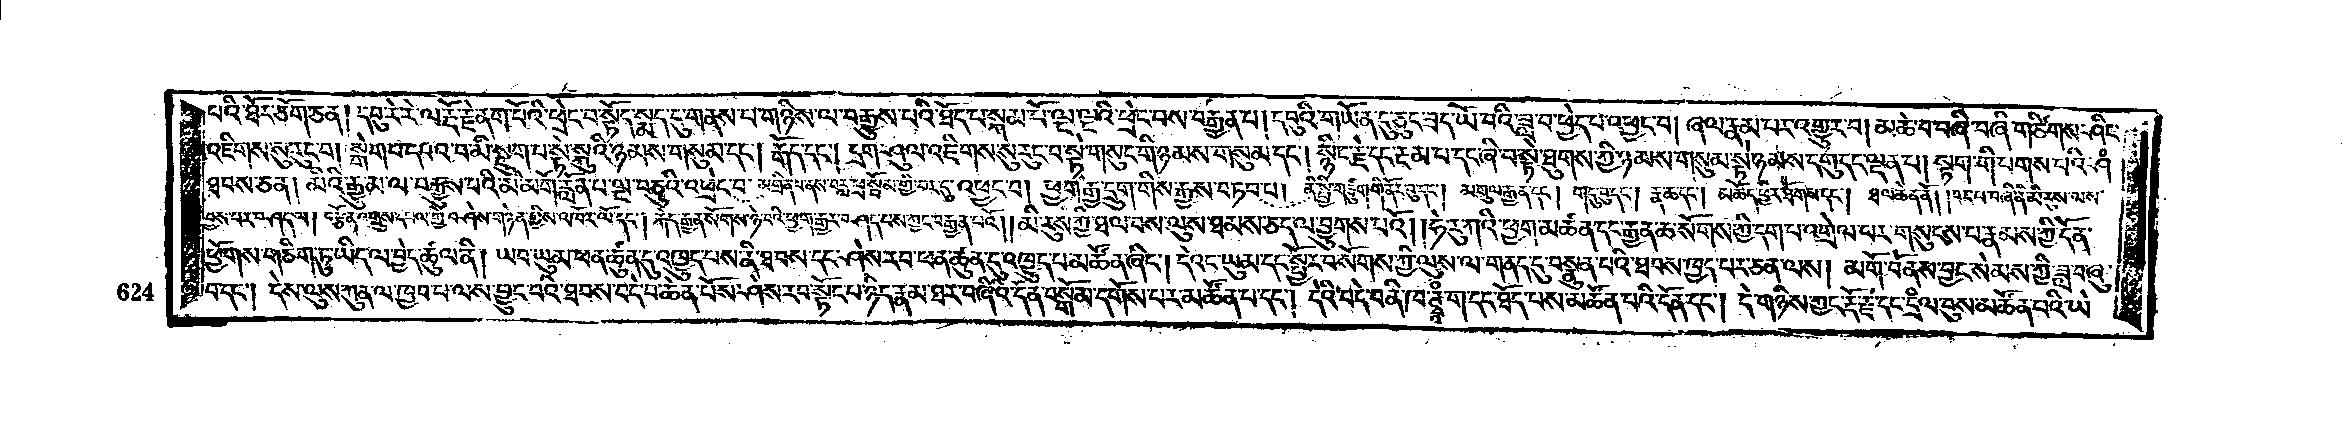པའི་ཐོར་ཅོག་ཅན། དབུ་རེ་རེ་ལ་རྡོ་རྗེ་ནག་པོའི་ཕྲེང་བ་སྟོད་སྨད་དུ་གནས་པ་གཉིས་ལ་བརྒྱུས་པའི་ཐོད་པ་སྐམ་པོ་ལྔ་ལྔའི་ཕྲེང་བས་བརྒྱན་པ། དབུའི་གཡོན་དུ་ཅུང་ཟད་ཡོ་བའི་ཟླ་བ་ཕྱེད་པ་འཕྱང་བ། ཞལ་རྣམ་པར་འགྱུར་བ། མཆེ་བ་བཞི་བཞི་གཙིགས་ཤིང་
འཇིགས་སུ་རུང་བ། སྒེག་པ་དཔའ་བོ་མི་སྡུག་པ་སྟེ་སྐུའི་ཉམས་གསུམ་དང་། རྒོད་དང་། དྲག་ཤུལ་འཇིགས་སུ་རུང་བ་སྟེ་གསུང་གི་ཉམས་གསུམ་དང་། སྙིང་རྗེ་དང་རྔམ་པ་དང་ཞི་བ་སྟེ་ཐུགས་ཀྱི་ཉམས་གསུམ་སྟེ་ཉམས་དགུ་དང་ལྡན་པ། སྟག་གི་པགས་པའི་ཤཾ་
ཐབས་ཅན། མིའི་རྒྱུ་མ་ལ་བརྒྱུས་པའི་མི་མགོ་རློན་པ་ལྔ་བཅུའི་འཕྲེང་བ་མགྲིན་པ་ནས་བརླ་ཕྲ་སྦོམ་གྱི་བར་དུ་་འཕྱང་བ། ཕྱག་རྒྱ་དྲུག་གིས་རྒྱས་བཏབ་པ། ནི་སྤྱི་གཙུག་གི་ནོར་བྱ་དང་། མགུལ་རྒྱན་དང་། གདུ་བུ་དང་། རྣ་ཆ་དང་། མཆོད་ཕྱིར་ཐོགས་དང་། ཐལ་ཆེན་ནོ། བར་པ་བཞི་ནི་མི་རུས་ལས་
བྱས་པས་བཤད་ལ། བརྩོན་འགྲུས་དཔལ་གྱི་བཤེས་གཉེན་གྱིས་འཁོར་ལོ་དང་། རྐེད་རྒྱན་སོགས་ཉེ་བའི་ཕྱག་རྒྱར་བཤད་པའི་ཀྱང་བརྒྱན་པའོ། མི་རུས་ཀྱི་ཐལ་བས་ལུས་ཐམས་ཅད་ལ་བྱུགས་པའོ། །ཧེ་རུ་ཀའི་ཕྱག་མཚན་དང་རྒྱན་ཆ་སོགས་ཀྱི་དག་པ་འགྲེལ་པར་གསུངས་པ་རྣམས་ཀྱི་དེན་
ཕྱོགས་གཅིག་ཏུ་ཡིད་ལ་ཚུལ་ནི། ཡབ་ཡུམ་ཕན་ཚུན་དུ་འཁྱུད་པས་ནི་ཐབས་དང་ཤེས་རབ་ཕན་ཚུན་དུ་འཁྱུད་པ་མཚོན་ཞིང་། ཨདེའང་ཡུམ་དང་སྦྱོར་བ་སོགས་ཀྱི་ལུས་ལ་གནད་དུ་བསྣུན་པའི་ཐབས་ཁྱད་པར་ཅན་ལས། མགོ་བོ་ནས་བྱང་སེམས་ཀྱི་ཟླ་བ་ཞུ་
བ་དང་། དེས་ལུས་ཀུན་ལ་ཁྱབ་པ་ལས་བྱུང་བའི་ཐབས་བདེ་བ་ཆེན་པོས་ཤེས་རབ་སྟོང་པ་ཉིད་རྣམ་ཐར་བཞིའི་དོན་བསྒོམ་དགོས་པར་མཚོན་པ་དང་། དེའི་བདེ་བ་ནི་ཁ་ཊྭཱཾ་ག་དང་ཐོད་པས་མཚོན་པའི་དོན་དང་། དེ་གཉིས་ཀྱང་རྡོ་རྗེ་དང་དྲིལ་བུས་མཚོན་པའི་ཡེ་